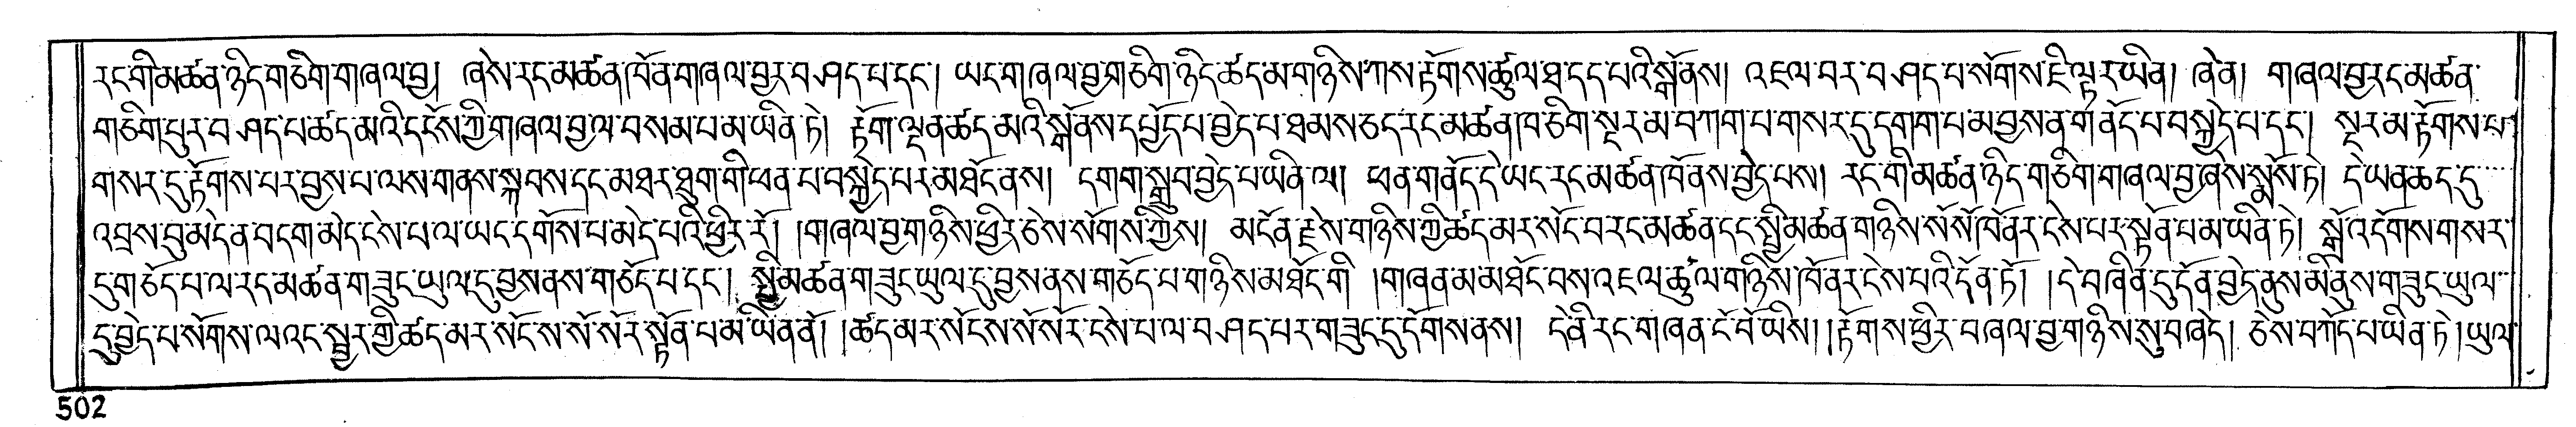རང་གི་མཚན་ཉིད་གཅིག་གཞལ་བྱ། ཞེས་རང་མཚན་ཁོ་ན་གཞལ་བྱར་བཤད་པ་དང་། ཡང་གཞལ་བྱ་གཅིག་ཉིད་ཚད་མ་གཉིས་ཀས་རྟོགས་ཚུལ་ཐ་དད་པའི་སྒོ་ནས། འཇལ་བར་བཤད་པ་སོགས་ཇི་ལྟར་ཡིན། ཞེ་ན། གཞལ་བྱ་རང་མཚན་
གཅིག་པུར་བཤད་པ་ཚད་མའི་དངོས་ཀྱི་གཞལ་བྱ་ལ་བསམ་པ་མ་ཡིན་ཏེ། རྟོག་ལྡན་ཚད་མའི་སྒོ་ནས་དཔྱོད་པ་བྱེད་པ་ཐམས་ཅད་རང་མཚན་ཁ་ཅིག་སྔར་མ་བཀག་པ་གསར་དུ་དགག་པ་མ་བྱས་ན་གནོད་པ་བསྐྱེད་པ་དང་། སྔར་མ་རྟོགས་པ་
གསར་དུ་རྟོགས་པར་བྱས་པ་ལས་གནས་སྐབས་དང་མཐར་ཐུག་གི་ཕན་པ་བསྐྱེད་པར་མཐོང་ནས། དགག་སྒྲུབ་བྱེད་པ་ཡིན་ལ། ཕན་གནོད་དེ་ཡང་རང་མཚན་ཁོ་ནས་བྱེད་པས། རང་གི་མཚན་ཉིད་གཅིག་གཞལ་བྱ་ཞེས་སྨོས་ཏེ། དེ་ཡན་ཆད་དུ་
འབྲས་བུ་མེད་ན་བདག་མེད་ངེས་པ་ལ་ཡང་དགོས་པ་མེད་པའི་ཕྱིར་རོ། །གཞལ་བྱ་གཉིས་ཕྱིར་ཅེས་སོགས་ཀྱིས། མངོན་རྗེས་གཉིས་ཀྱི་ཚད་མར་སོང་བ་རང་མཚན་དང་སྤྱི་མཚན་གཉིས་སོ་སོ་ཁོ་ནར་ངེས་པར་སྟོན་པ་མ་ཡིན་ཏེ། སྒྲོ་འདོགས་གསར་
དུ་གཅོད་པ་ལ་རང་མཚན་གཟུང་ཡུལ་དུ་བྱས་ནས་གཅོད་པ་དང་། སྤྱི་མཚན་གཟུང་ཡུལ་དུ་བྱས་ནས་གཅོད་པ་གཉིས་མཐོང་གི །གཞན་མ་མཐོང་བས་འཇལ་ཚུལ་གཉིས་ཁོ་ནར་ངེས་པའི་དོན་ཏོ། །དེ་བཞིན་དུ་དོན་བྱེད་ནུས་མི་ནུས་གཟུང་ཡུལ་
དུ་བྱེད་པ་སོགས་ལའང་སྦྱར་གྱི་ཚད་མར་སོང་ས་སོ་སོར་སྟོན་པ་མི་ཡིན་ནོ། །ཚད་མར་སོང་ས་སོ་སོར་ངེས་པ་ལ་བཤད་པར་གཟུང་དུ་དོགས་ནས། དེ་ནི་རང་གཞན་ངོ་བོ་ཡིས། །རྟོགས་ཕྱིར་གཞལ་བྱ་གཉིས་སུ་བཞེད། ཅེས་བཀོད་པ་ཡིན་ཏེ། ཡུལ་